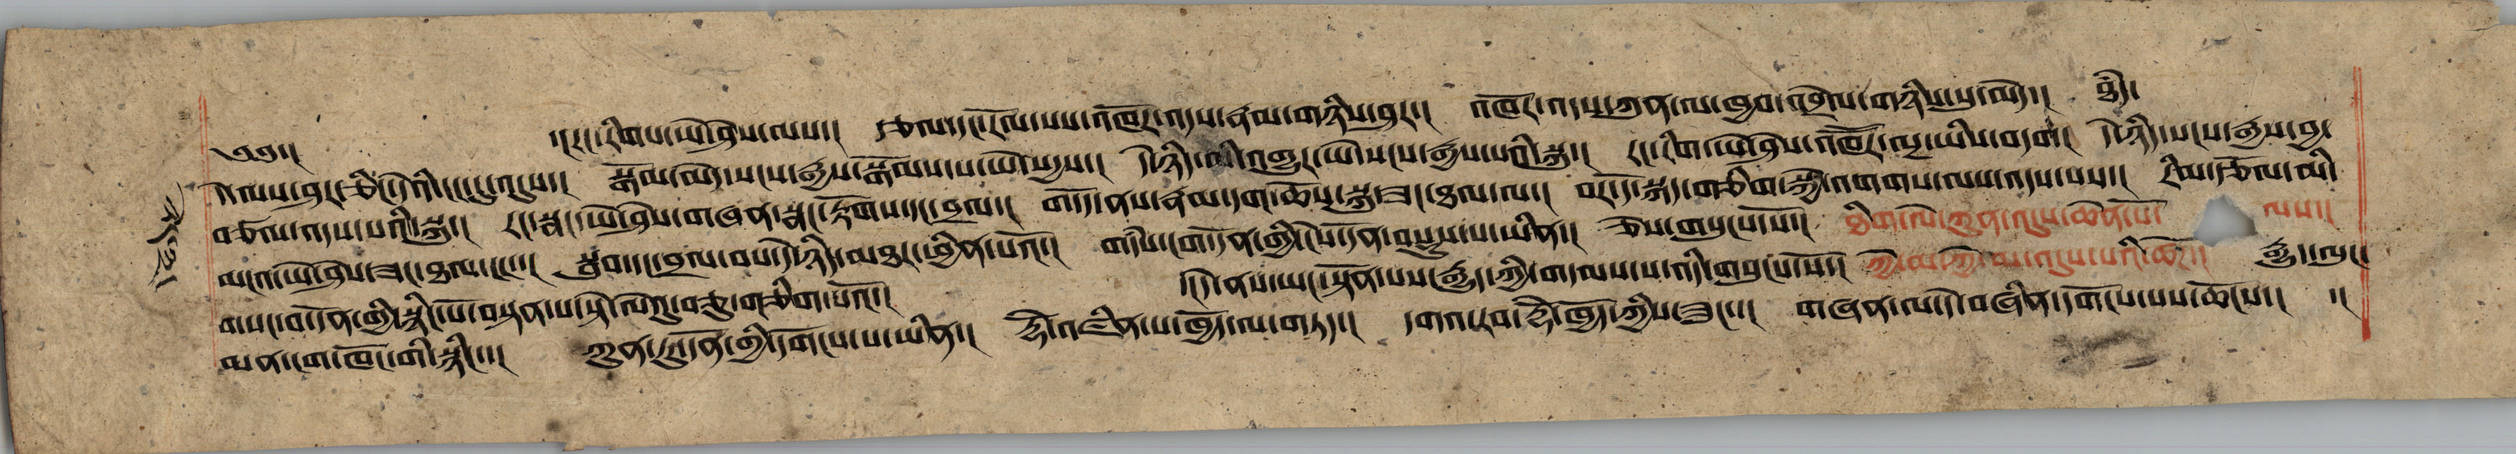༄༅་། ་།རང་རིག་ཡེ་ཤེས་ལས་། རྩལ་དང་རོལ་པས་འཁོར་འདས་རྣམ་གཉིས་ཤར་། འཁོར་འདས་ཀུན་ལ་ཁྱབ་འབྲེལ་གཉིས་སུ་མེད་། ཐཾད་
དེ་ལས་ཤར་ཅིང་དེའི་ངང་དུ་འདུས་། སྒོམ་མེད་སངས་རྒྱས་སྒོམས་པ་ཡེ་སདྱས་། དེ་ཉིད་མི་འགྱུར་ཡེ་སངས་རྒྱས་པའི་སྐུ་། རང་རིག་ཡེ་ཤེས་འཁཽར་ལྷ་ཡིས་བདག། དེ་ཉིད་སངས་རྒྱས་བྱ་
བཙལ་འདས་པའི་སྐུ་། རང་སྣང་ཡེ་ཤེས་གཞན་སྣང་རྟོགས་དང་བྲལ་། གདོད་ནས་རྣམ་དག་ཆོས་སྐུ་ཟང་ཐལ་ལ་། བར་དོ་སྐད་གཅིག་སྐྱེ་འགགས་ལས་འདས་བས་། རིམ་རྩོལ་མི་
མངའ་ཡེ་ཤེས་ཟང་ཐལ་ངང་་། སྦུབ་དང་བྲལ་བས་དེ་ཉིད་མཐར་ཕྱིན་པའོ་། གདཾས་ངག་དོན་གྱི་ངེས་དོན་བསྡུས་པ་ཡིན་། ཅེས་གསུངས་སོ་། ཐིག་ལེ་ཀུན་འདུས་ཆེན་པོ་ ལས་།
གསང་བ་དོན་གྱི་སྙིང་པོ་བསྟན་པ་སྟེ་ལེའུ་བཅུ་གཅིག་པའོ་། ་།དེ་ནས་ཡང་སྟོན་པས་རྒྱུད་ཀྱི་གདམས་པ་འདི་གསུངས་སོ་། ཀྱེ་མ་ཀྱེ་མ་འདུས་པའི་ཚོཌ་། རྒྱུད་ལུང་
མན་ངག་ཁོང་གི་སྙིང་་། ཀུན་ཏུ་དོན་གྱི་དགོངས་པ་ཡིན་། རྡོེ་འཛིན་པ་ཁྱོད་ལ་གཏད་། དགའ་རབ་རྡོེ་ཁྱོད་ཀྱིས་ཟུངས་། གཞན་ལ་དེ་བཞིན་དགོངས་པས་ཆོངས་། ་།